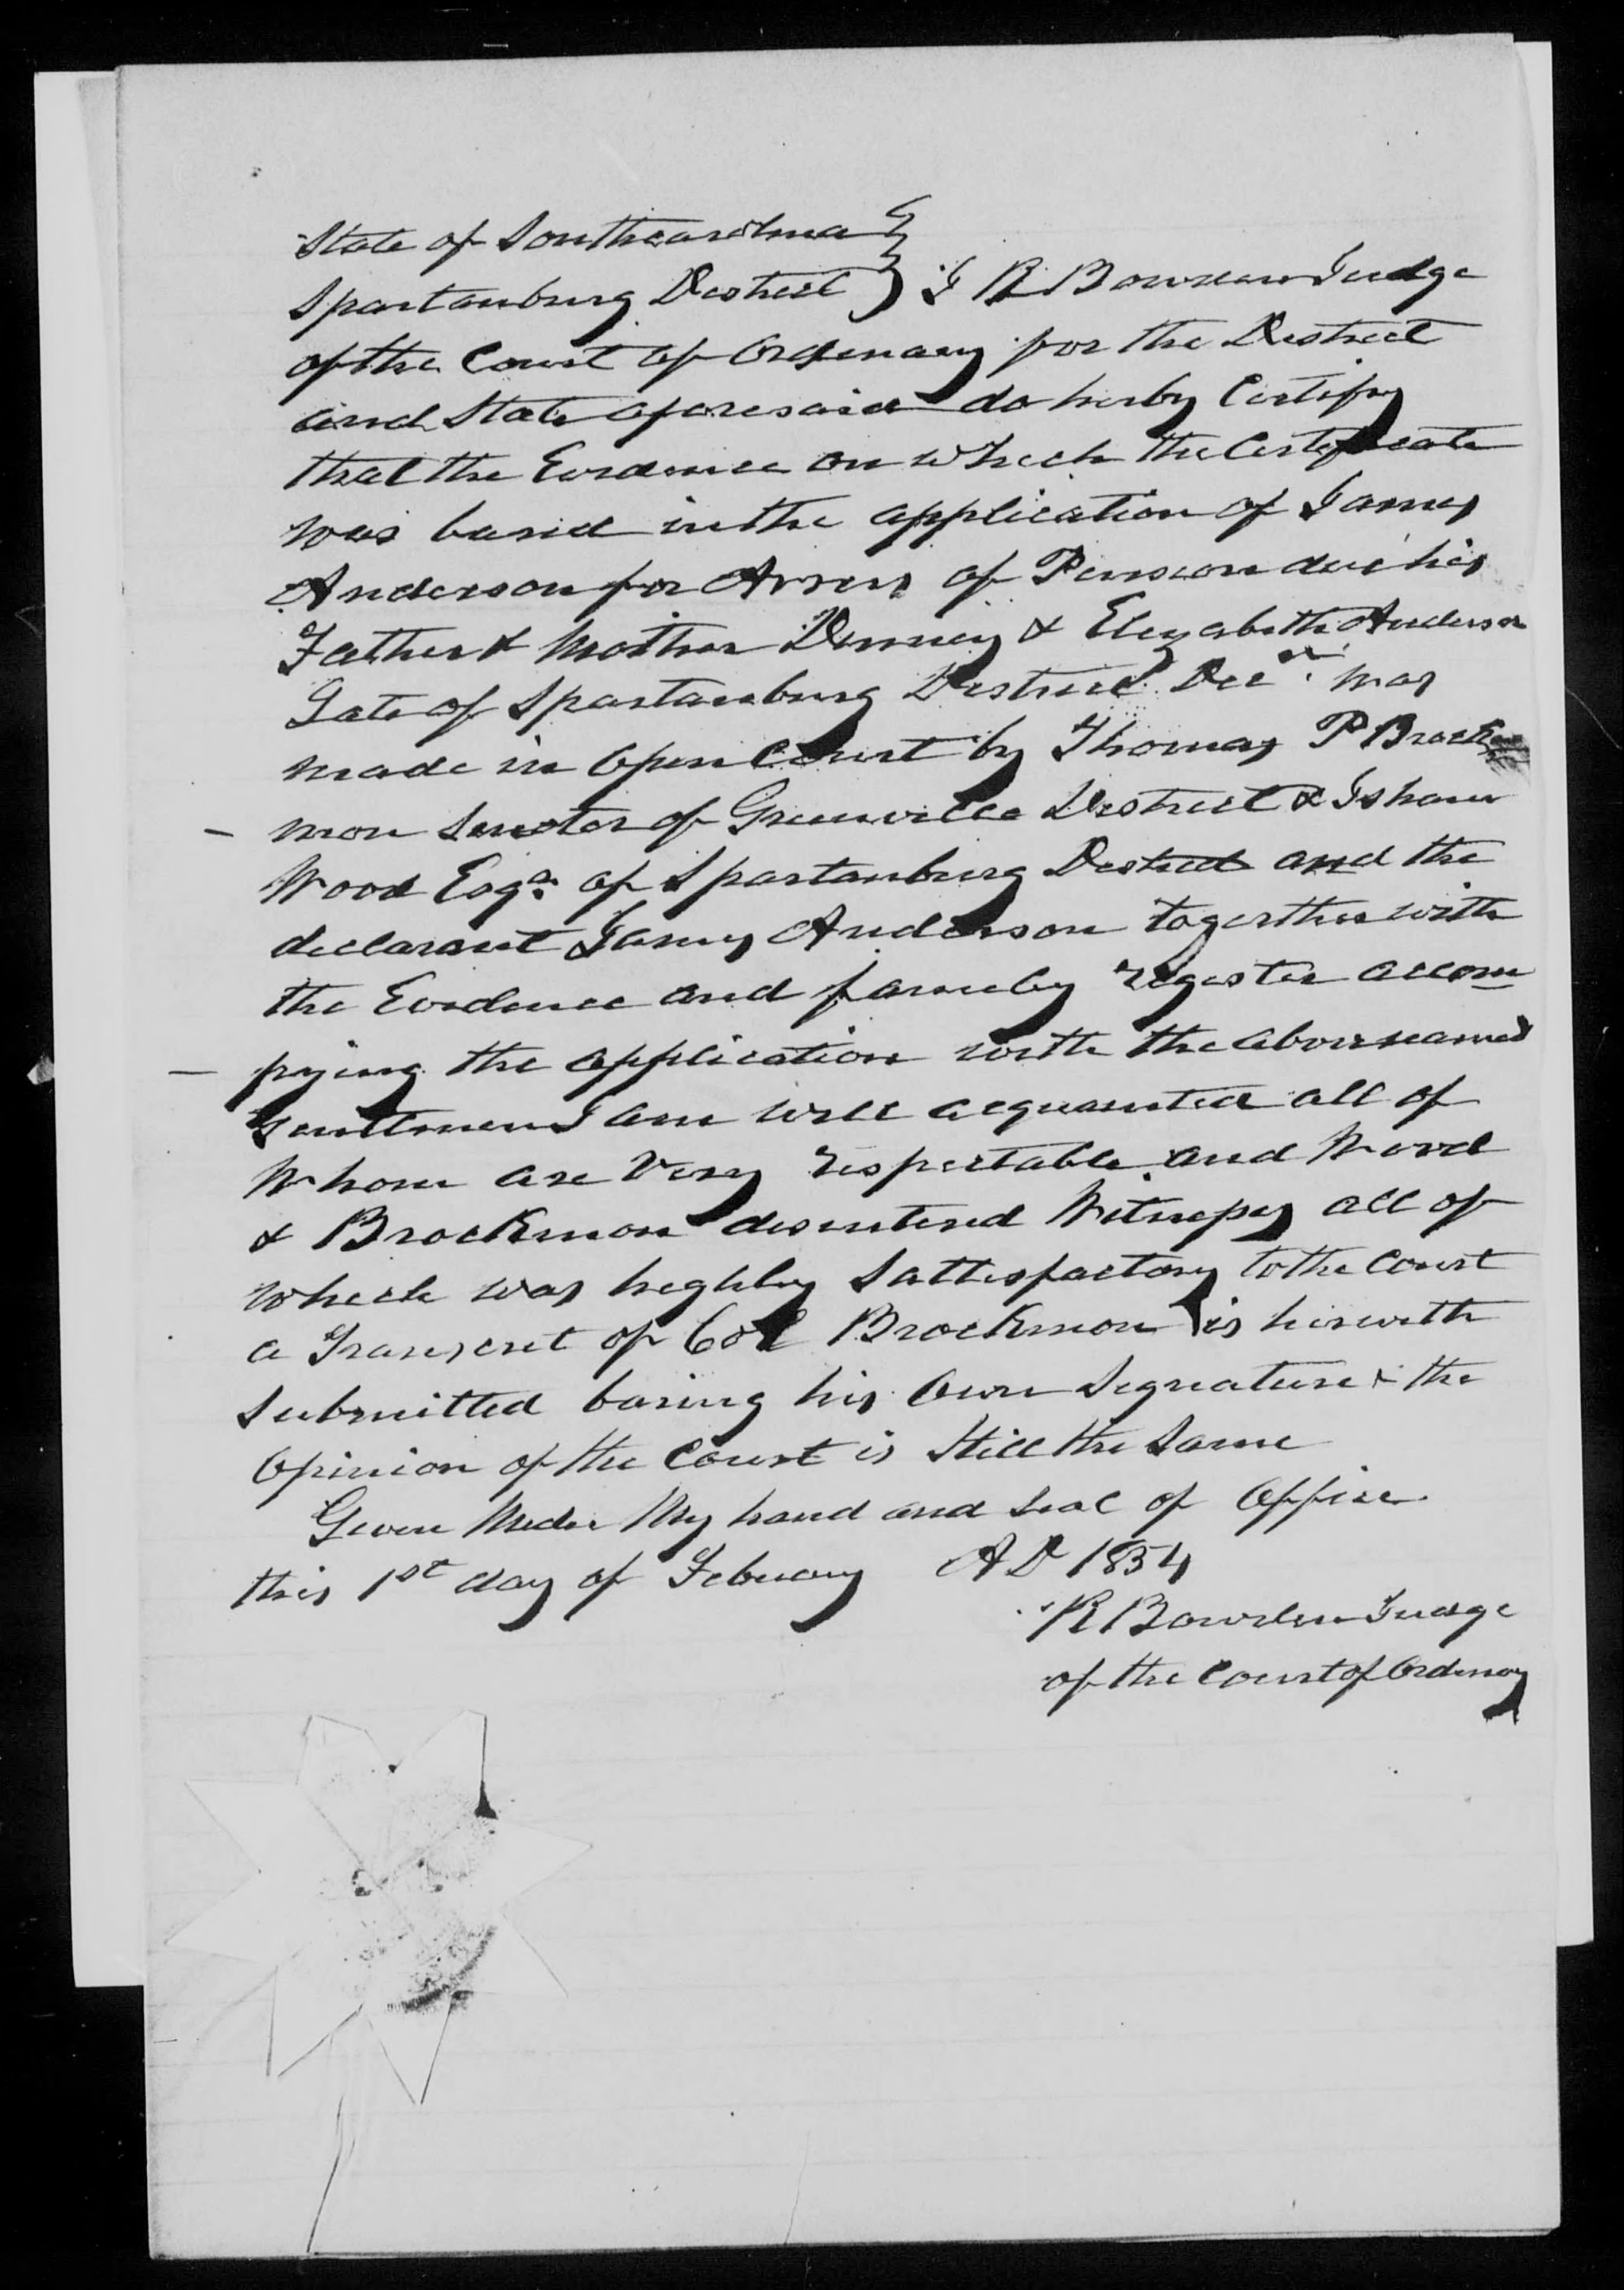State of South Carolina
Spartanburg District
I R Bowden Judge of the Court of Ordinary for the District and State aforesaid do hereby certify that the evidence on which the certificate was based in the application of James Anderson for Arrears of Pension due his Father & Mother Denney & Elizabeth Anderson Late of Spartanburg District Decd. was made in open Court by Thomas P Brockman senator of Greenville District & Isham Wood Esqr. of Spartanburg District and the declarant James Anderson together with the evidence and family register accompanying the application with the above named Gentlemen I am well acquainted all of whom are very respectable and Wood & Brockman disinterested Witnesses all of which was highly sattisfactory to the Court a Transcrit of Col Brockman is herewith submitted baring his own Signature & the opinion of the court is still the same
Given Under my hand and seal of Office this 1st day of February AD 1854
R Bowen Judge
of the Court of Ordinary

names: Isham Wood, R Bowden, James Anderson, James Anderson, Elizabeth Anderson, Brockmon, Denney Anderson, R Bowden, Thomas P Brockmon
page: 41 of 51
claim: widow's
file: W. 9700, Denney Anderson, S.C.